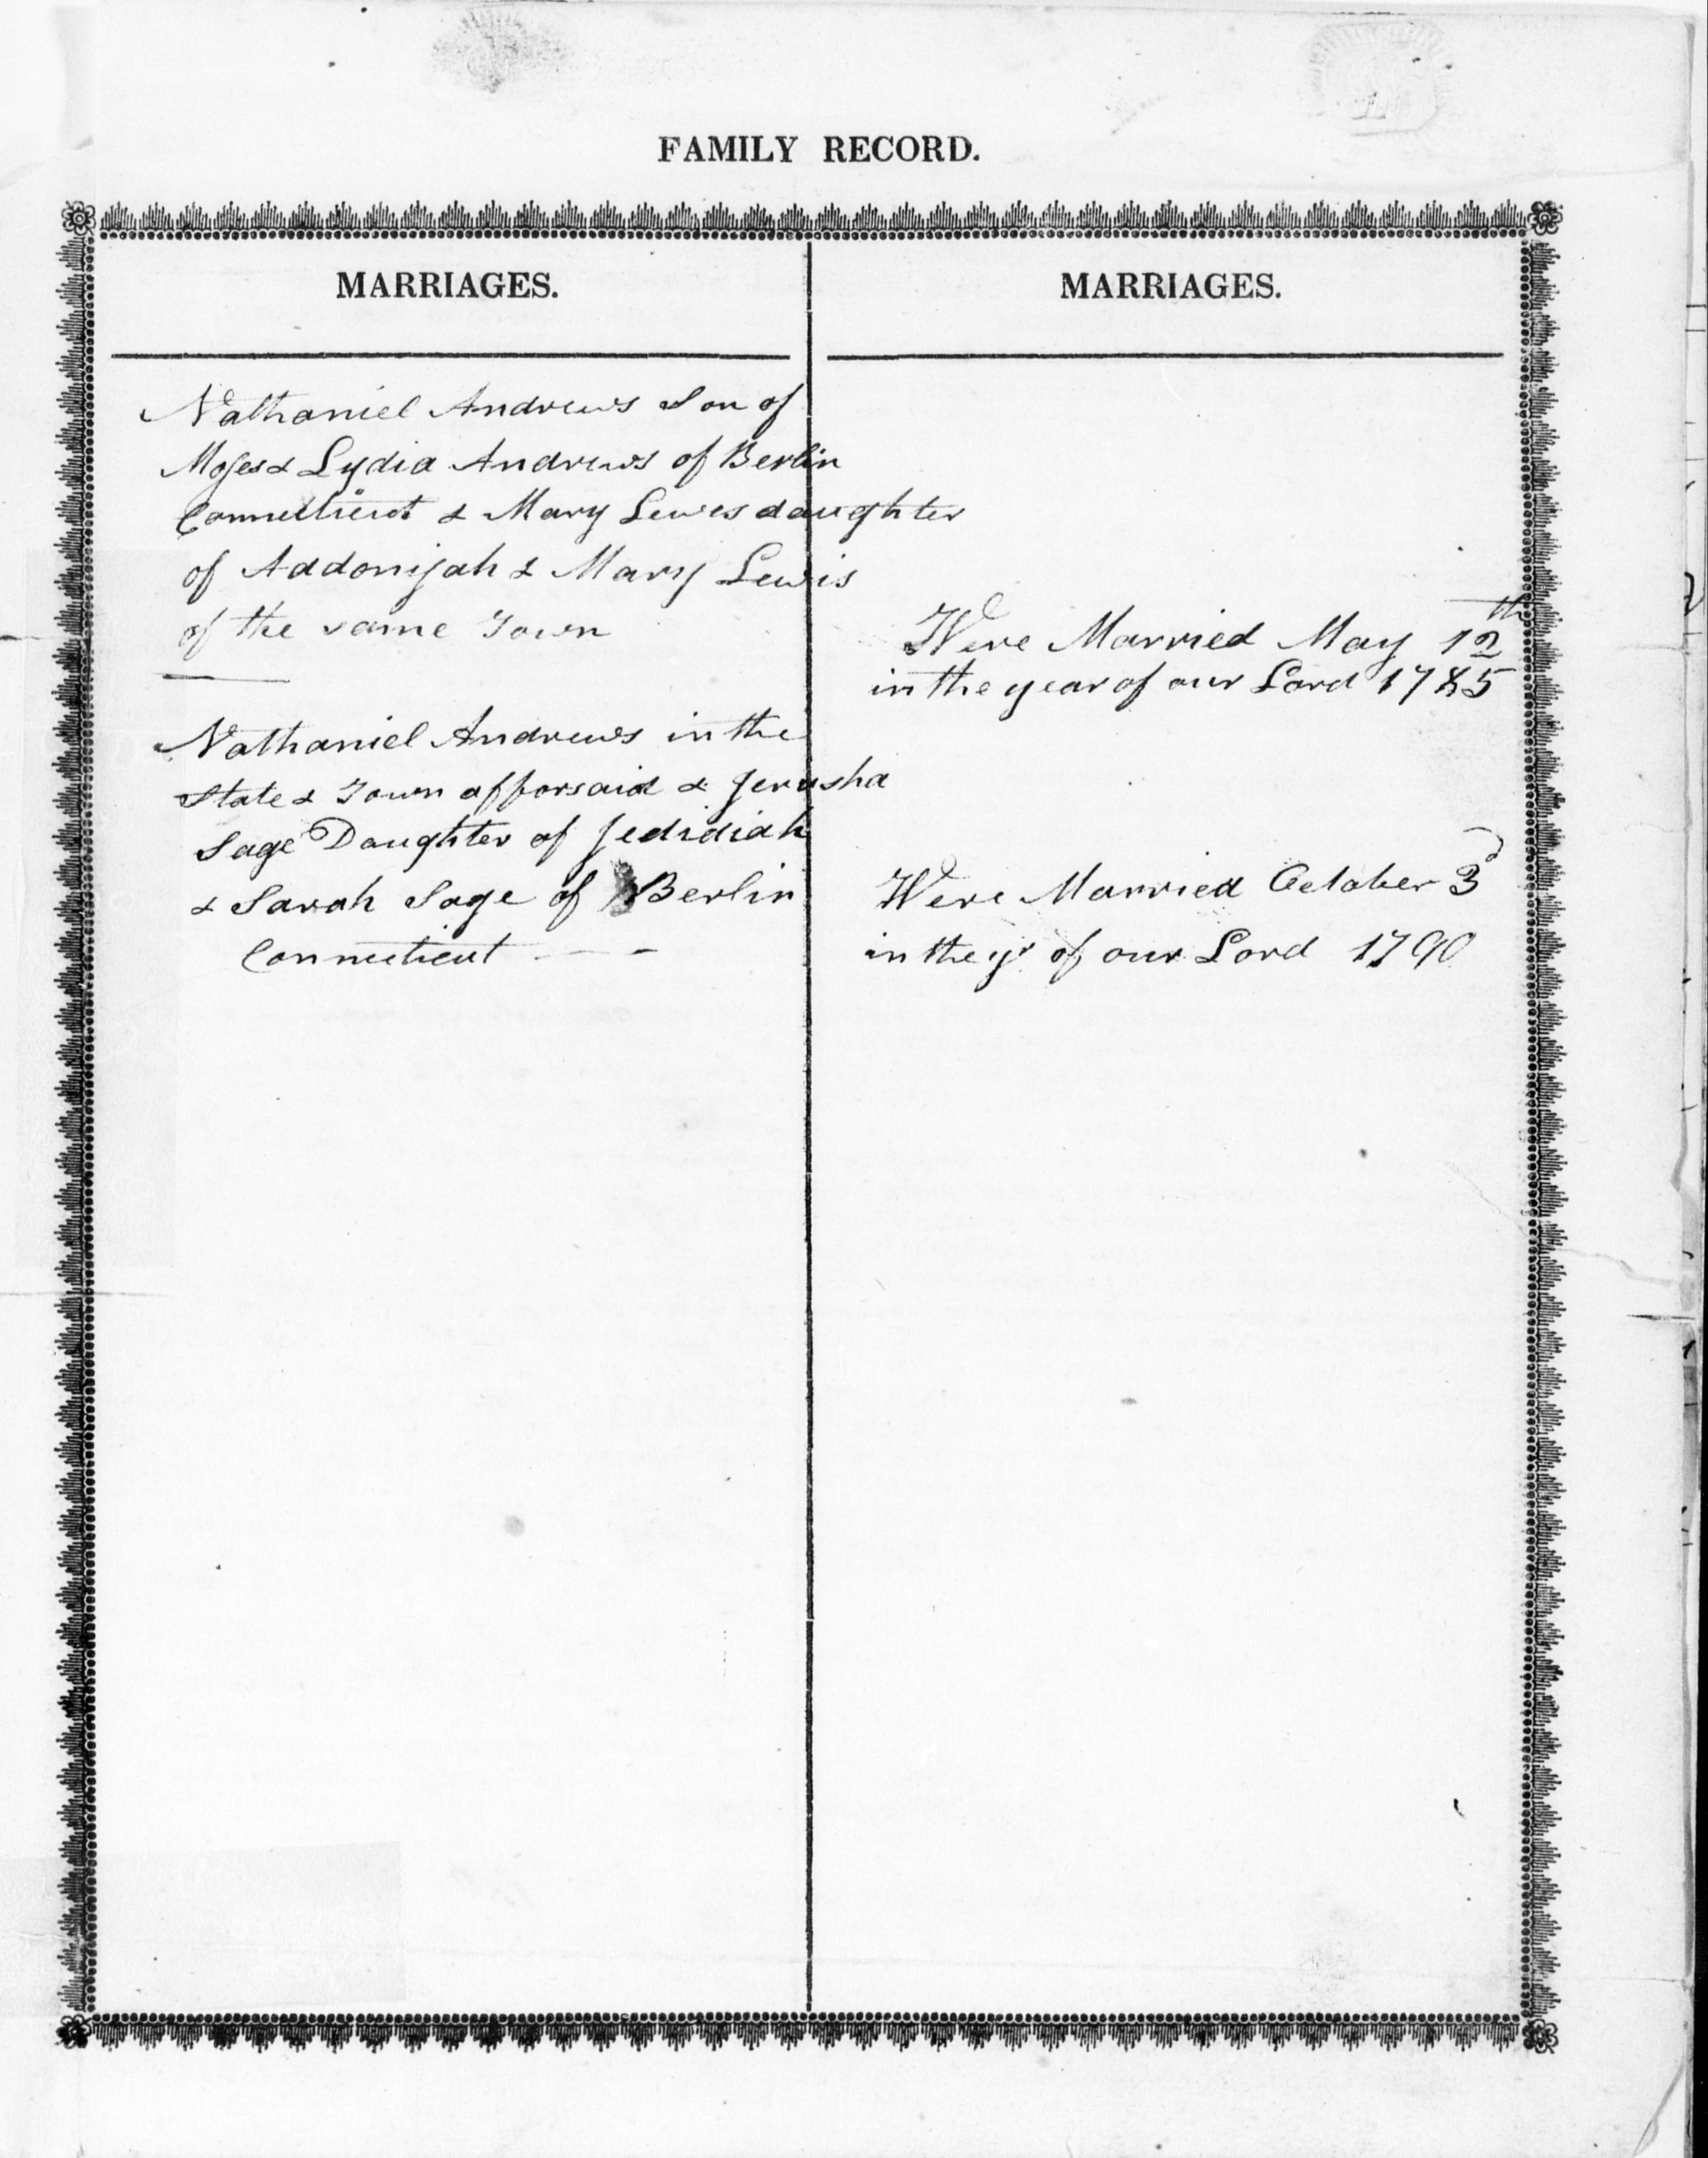FAMILY RECORD.
MARRIAGES.
Nathaniel Andrews Son of
Moses & Lydia Andrews of Berlin
Connecticut & Mary Lewis daughter
of the same Town
Were Married May 12th
in the year of our Lord 1785
Nathaniel Andrews in the
State & Town afforsaid & Jerusha
Sage Daughter of Jedidiah
& Sarah Sage of Berlin
Connecticut
Were Married October 3d
in the yr of our Lord 1790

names: Nathaniel Andrews, Sarah Sage, Lydia Andrews, Jerusha Sage, Jedidiah Sage, Mary Lewis, Nathaniel Andrews, Mary Lewis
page: 9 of 78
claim: widow's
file: W. 4117, Nathaniel Bradley, Conn.